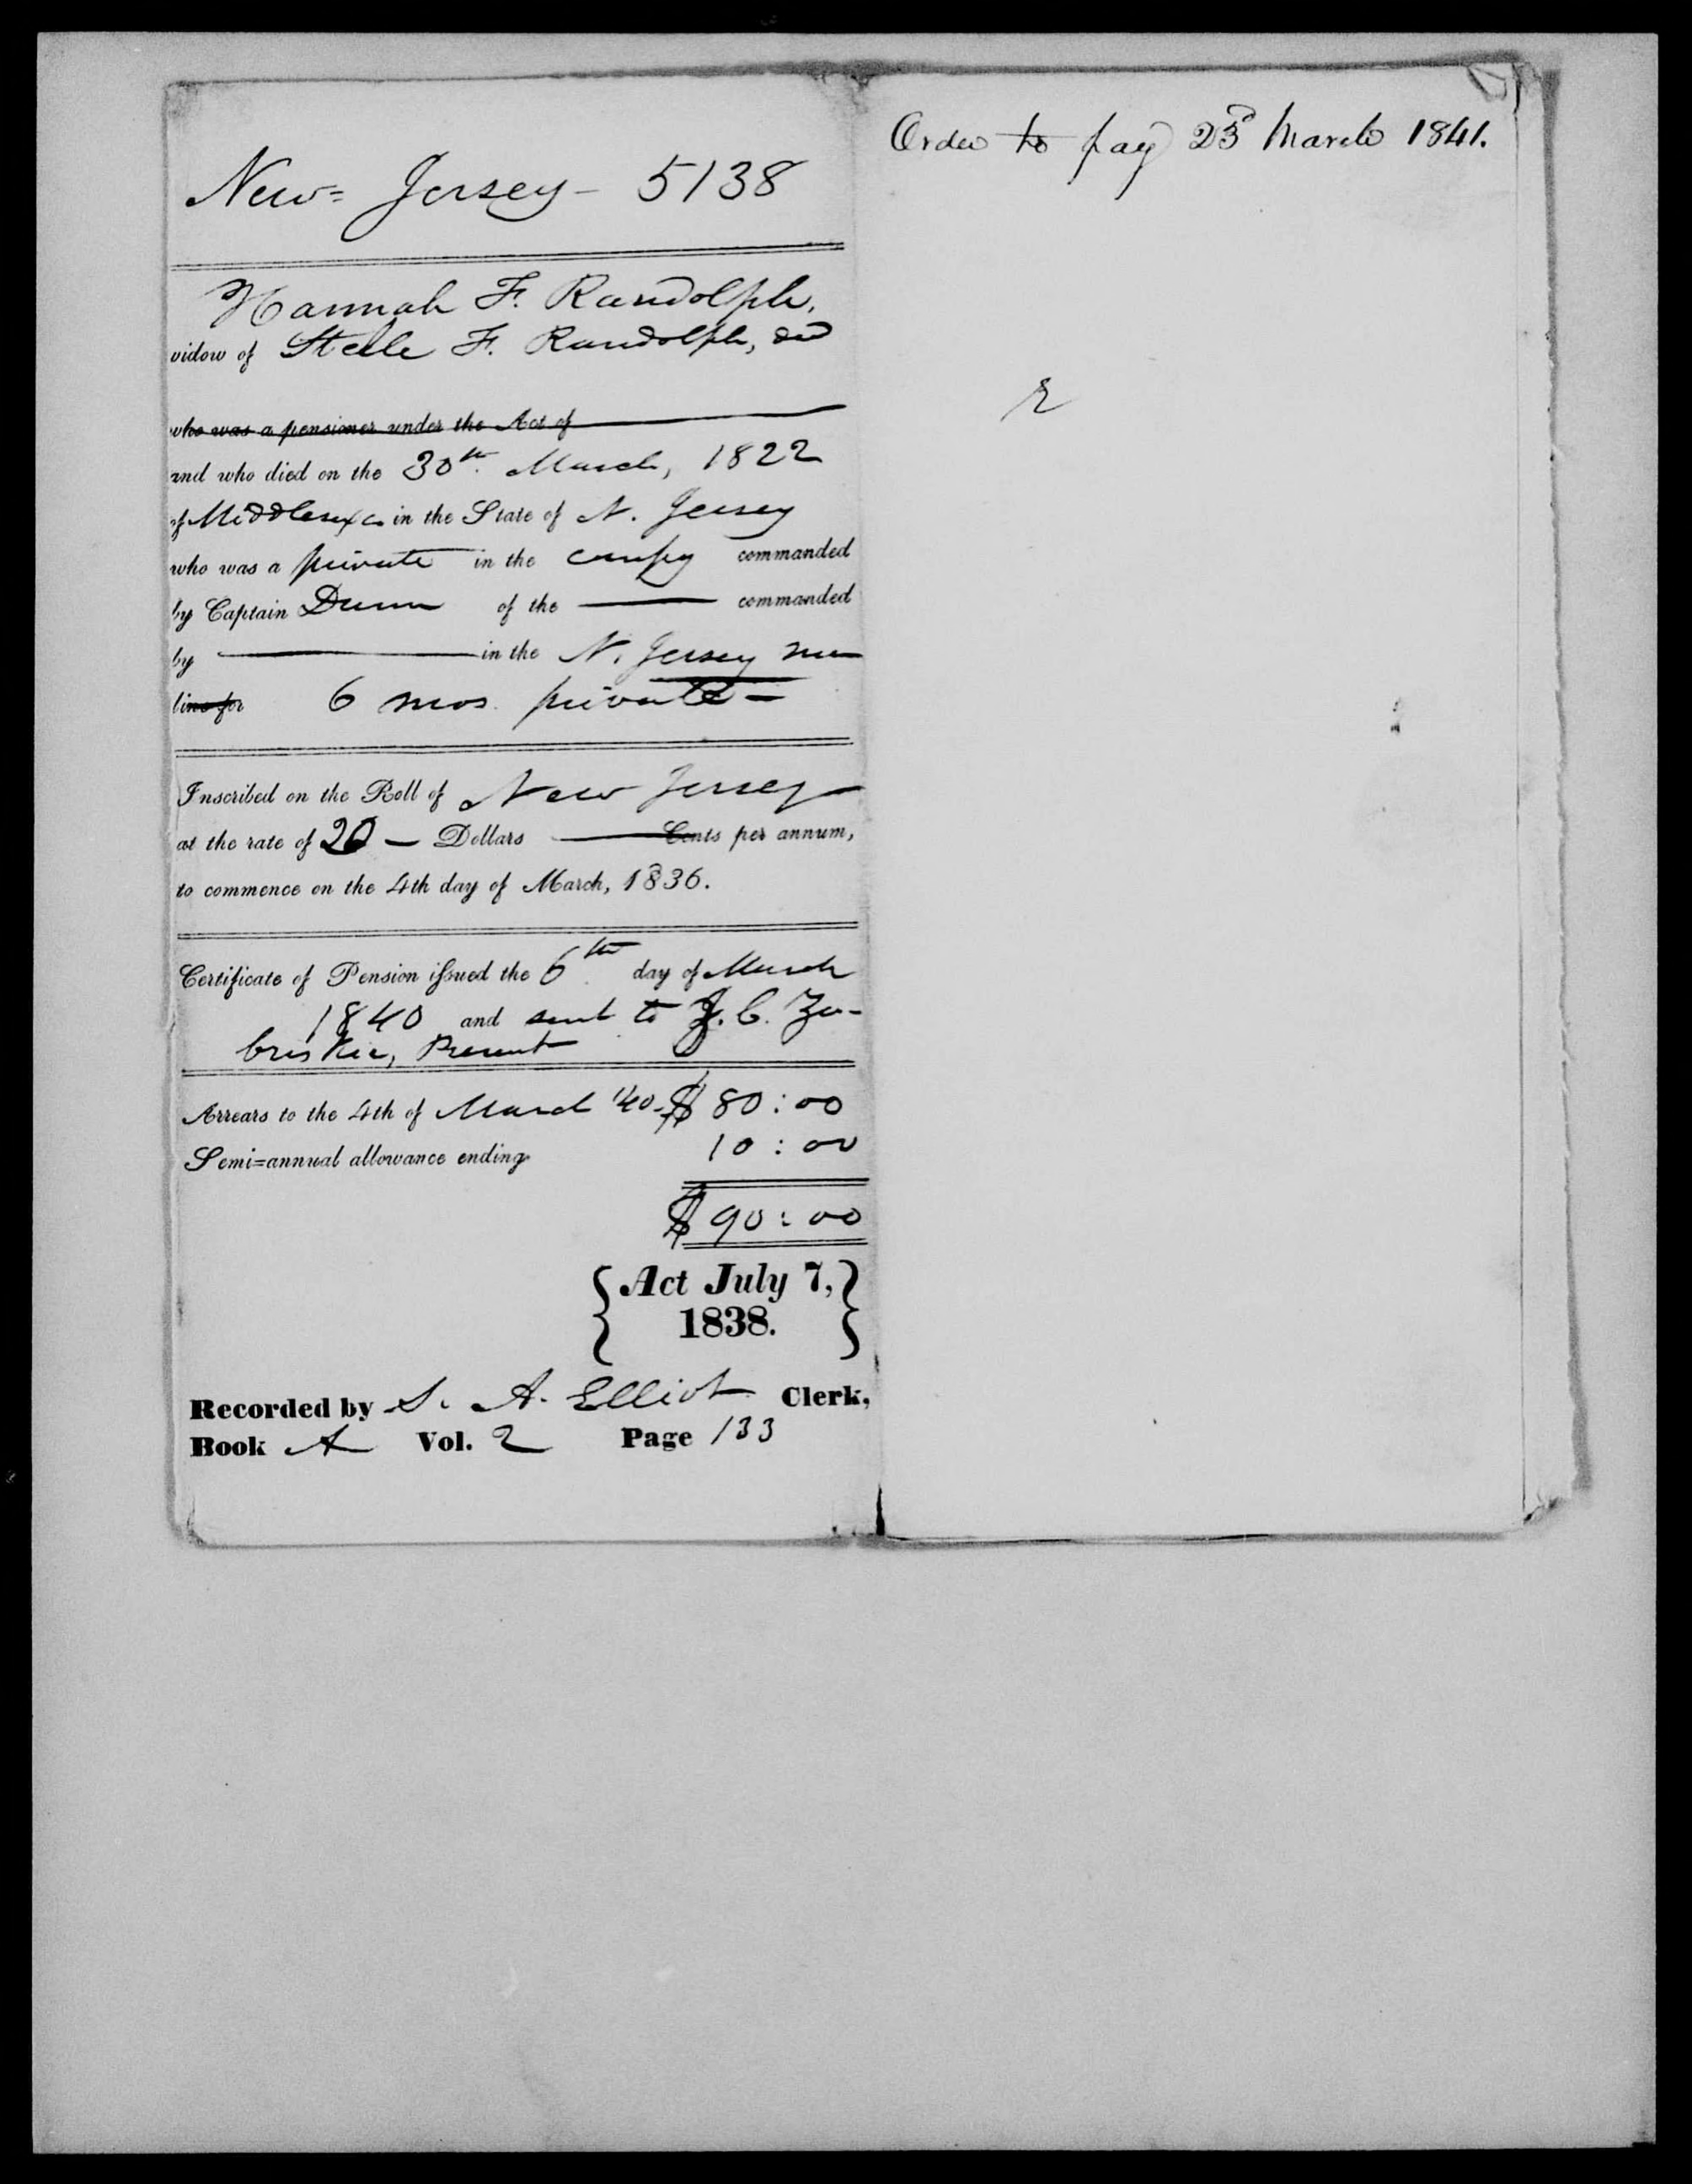New Jersey - 5138
Hannah F. Randolph
widow of Stelle F. Randolph, did
who was a pensioned under the Act of
and who died on the 30th March, 1822
of Middlesex in the State of N. Jersey
who was a private in the campy commanded by Captain Dunn of the --- commanded by --- in the N. Jersey [illegible]
line for 6 mos. private-
Inscribed on the Roll of New Jersey at the rate of 20-Dollars - Cents per annum, to commence on the 4th day of March, 1836.
Certificate of Pension issued the 6th day of March 1840 and sent to J.C. Zobriskin, Present
Arrears to the 4th of March '40.$80:00
Semi-annual allowance ending 10:00
$90.00
Act July 7, 1838.
Recorded by S. A. Elliot Clerk,
Book A Vol. 2 Page 133

Order to pay 23d March 1841. R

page: 16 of 33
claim: widow's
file: W. 5,665, for Stelle F Randolph, New Jersey